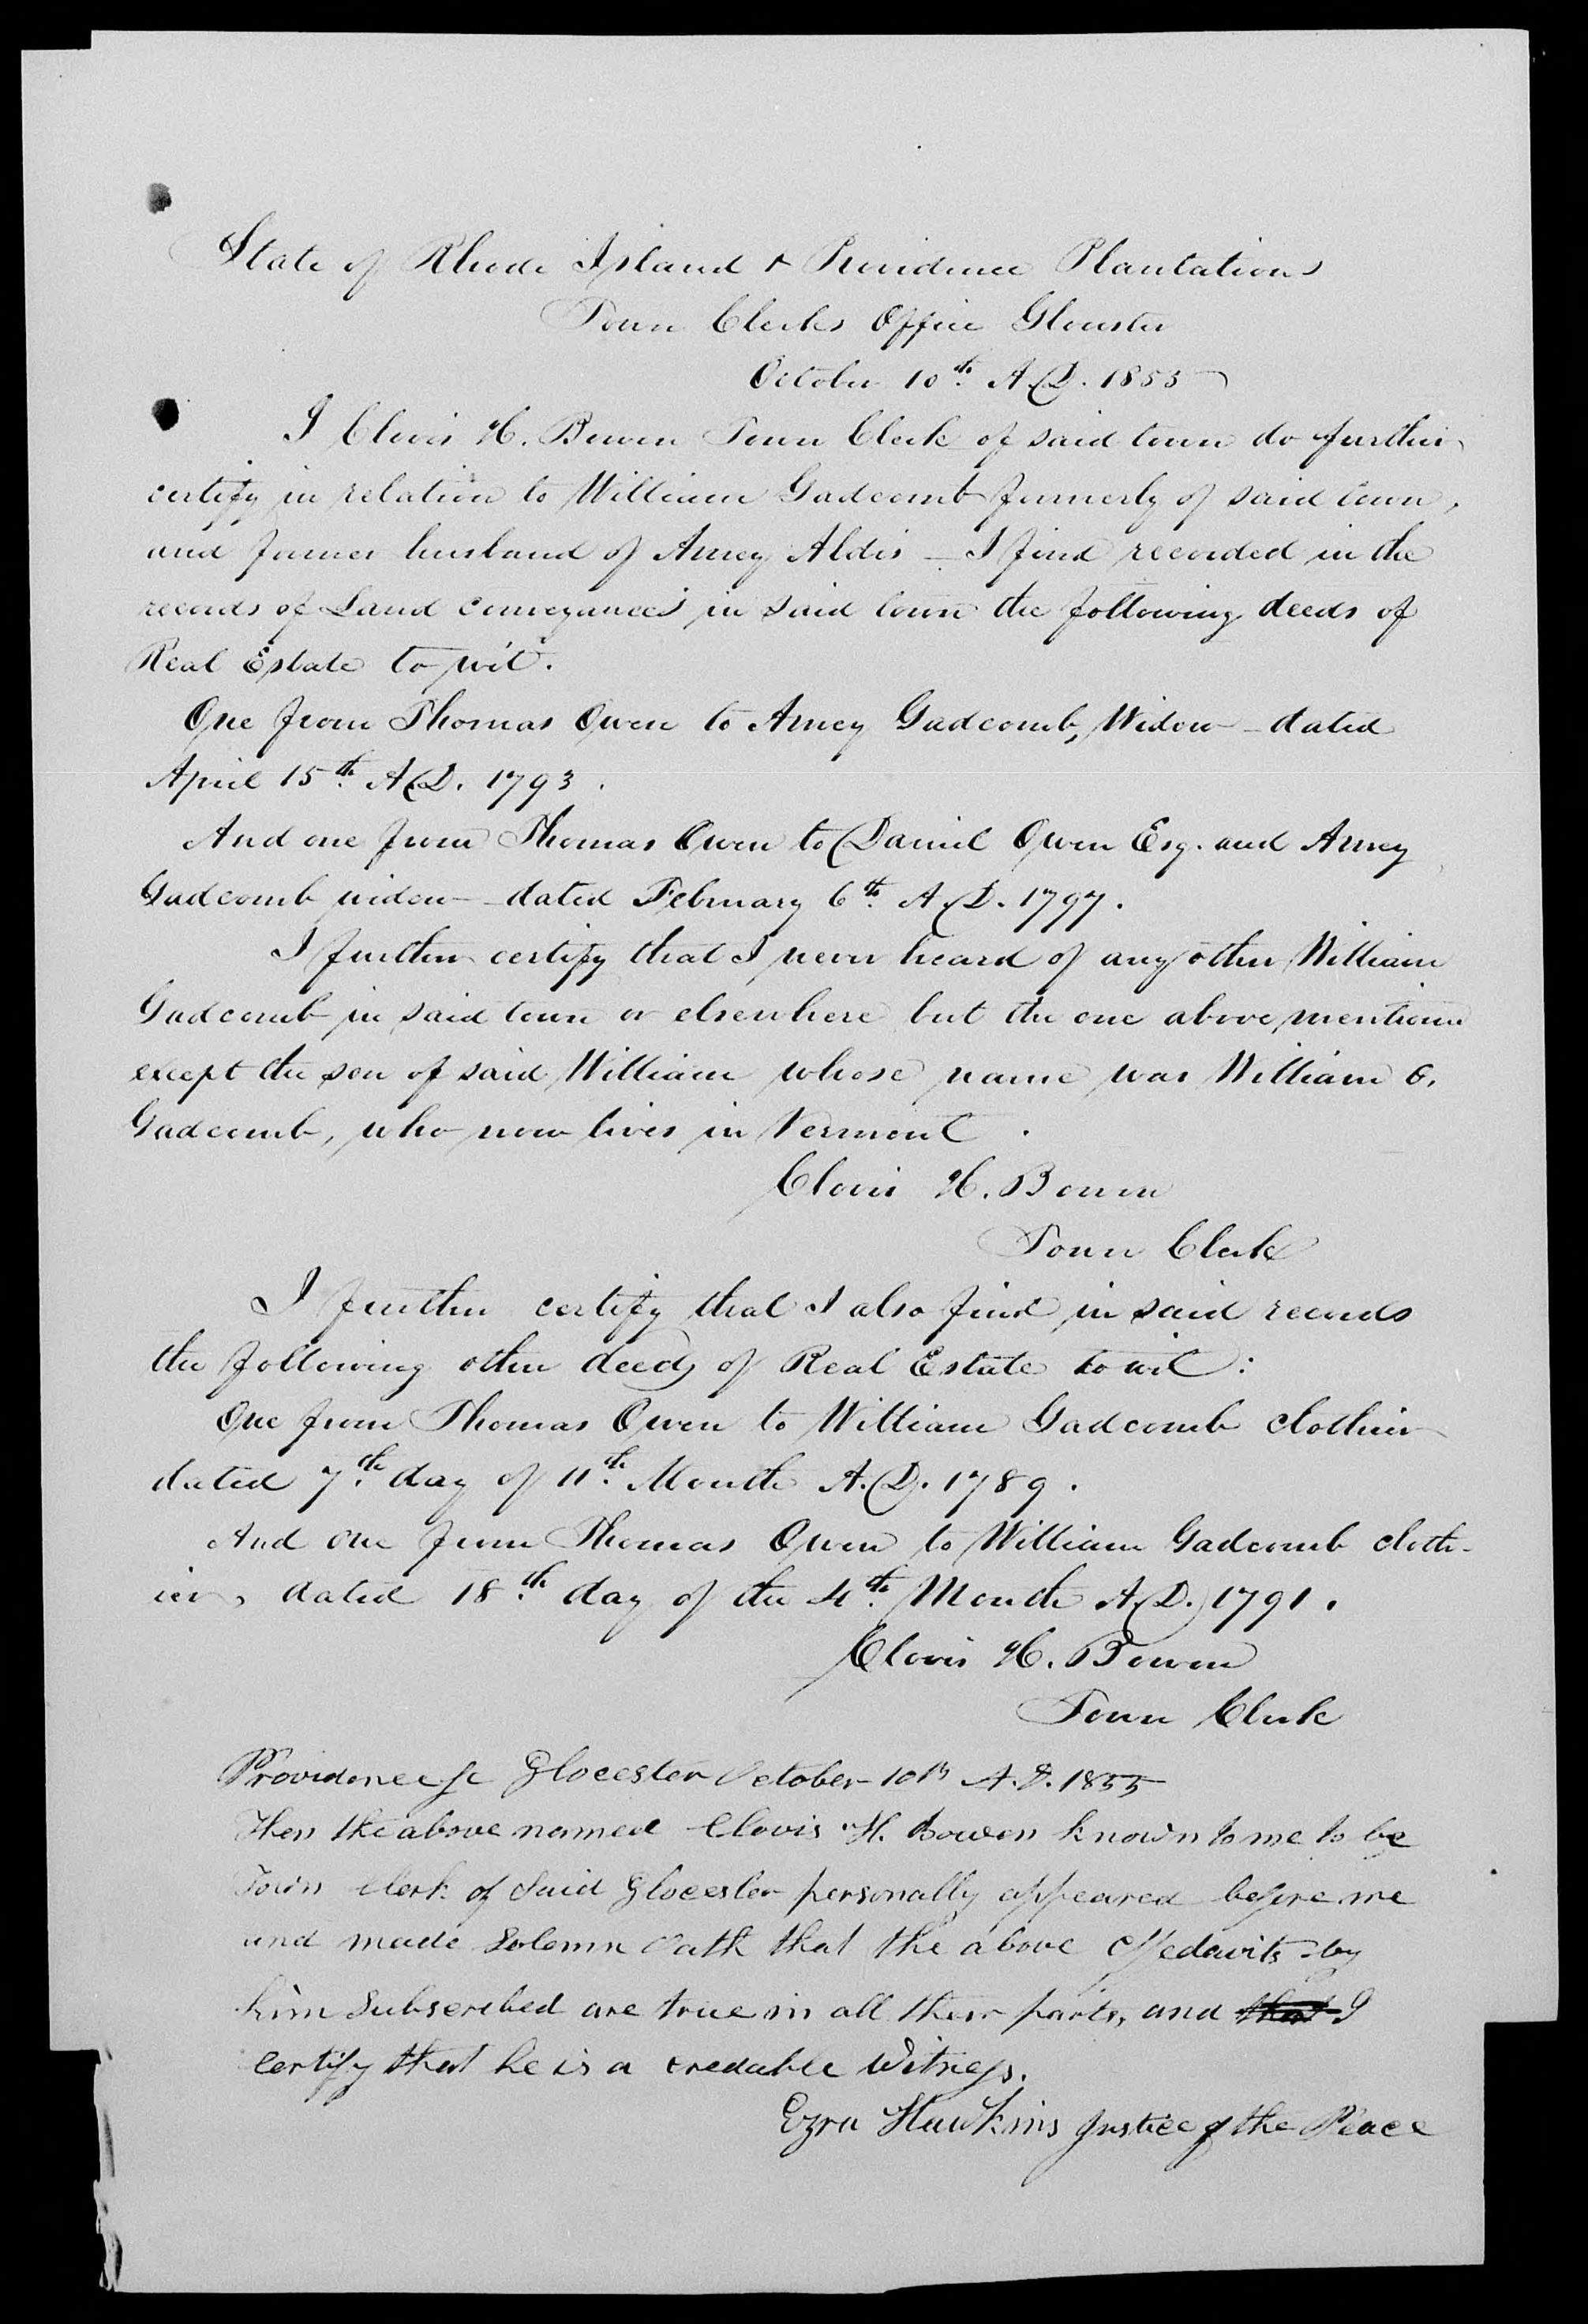State of Rode Island & Providence Plantations Town Clerks Office Glocester October 10th A.D. 1855
I Clovis H. Bowen Town Clerk of said town do further certify in relation to William Gadcomb formerly of said town, and former husband of Amey Aldis. I find recorded in the records of Land Conveyances in said town the following deeds of Real Estate to wit:
One from Thomas Owen to Amey Gadcomb, Widow - dated April 15th A.D. 1793. 
And one from Thomas Owen to Daniel Owen Esq. and Amey Gadcomb, widow - dated February 6th A.D. 1797. 
I further certify that I never heard of any other William Gadcomb in said town or elsewhere but the one above mentioned except the son of William whose name was William G. Gadcomb, who now lives in Vermont. Clovis H. Bowen Town Clerk. I further certify that I also find in said records the following other deed of Real Estate to wit: One from Thomas Owen to William Gadcomb clothier dated 7th day of 11th Month A.D. 1789. And one from Thomas Owen to William Gadcomb clothier dated 18th day of the 4th Month A.D. 1791. Clovis H. Bowen Town Clerk. 
Providence S. Glocester October 10th A.D. 1855 Then the above named Clovis H. Bowen known to me to be Town Clerk of said Glocester personally appeared before me and made solemn oath that the above affidavits by him subscribed are true in all their parts, and I certify that he is a credable witness. Ezra Hawkins Justice of the Peace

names: Thomas Owen, William Gadcomb, William Gadcomb, William G Gadcomb, William, Amey Gadcomb, Amey Gadcomb, William Gadcomb, Ezra Hawkins, William Gadcomb, Thomas Owen, Thomas Owen, Daniel Owen, Amey Aldis, Clovis H Bowen, Clovis H Bowen, Clovis H Bowen, Clovis H Bowen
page: 47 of 76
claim: widow's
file: W. 15,517, William Gadcomb, R.I.